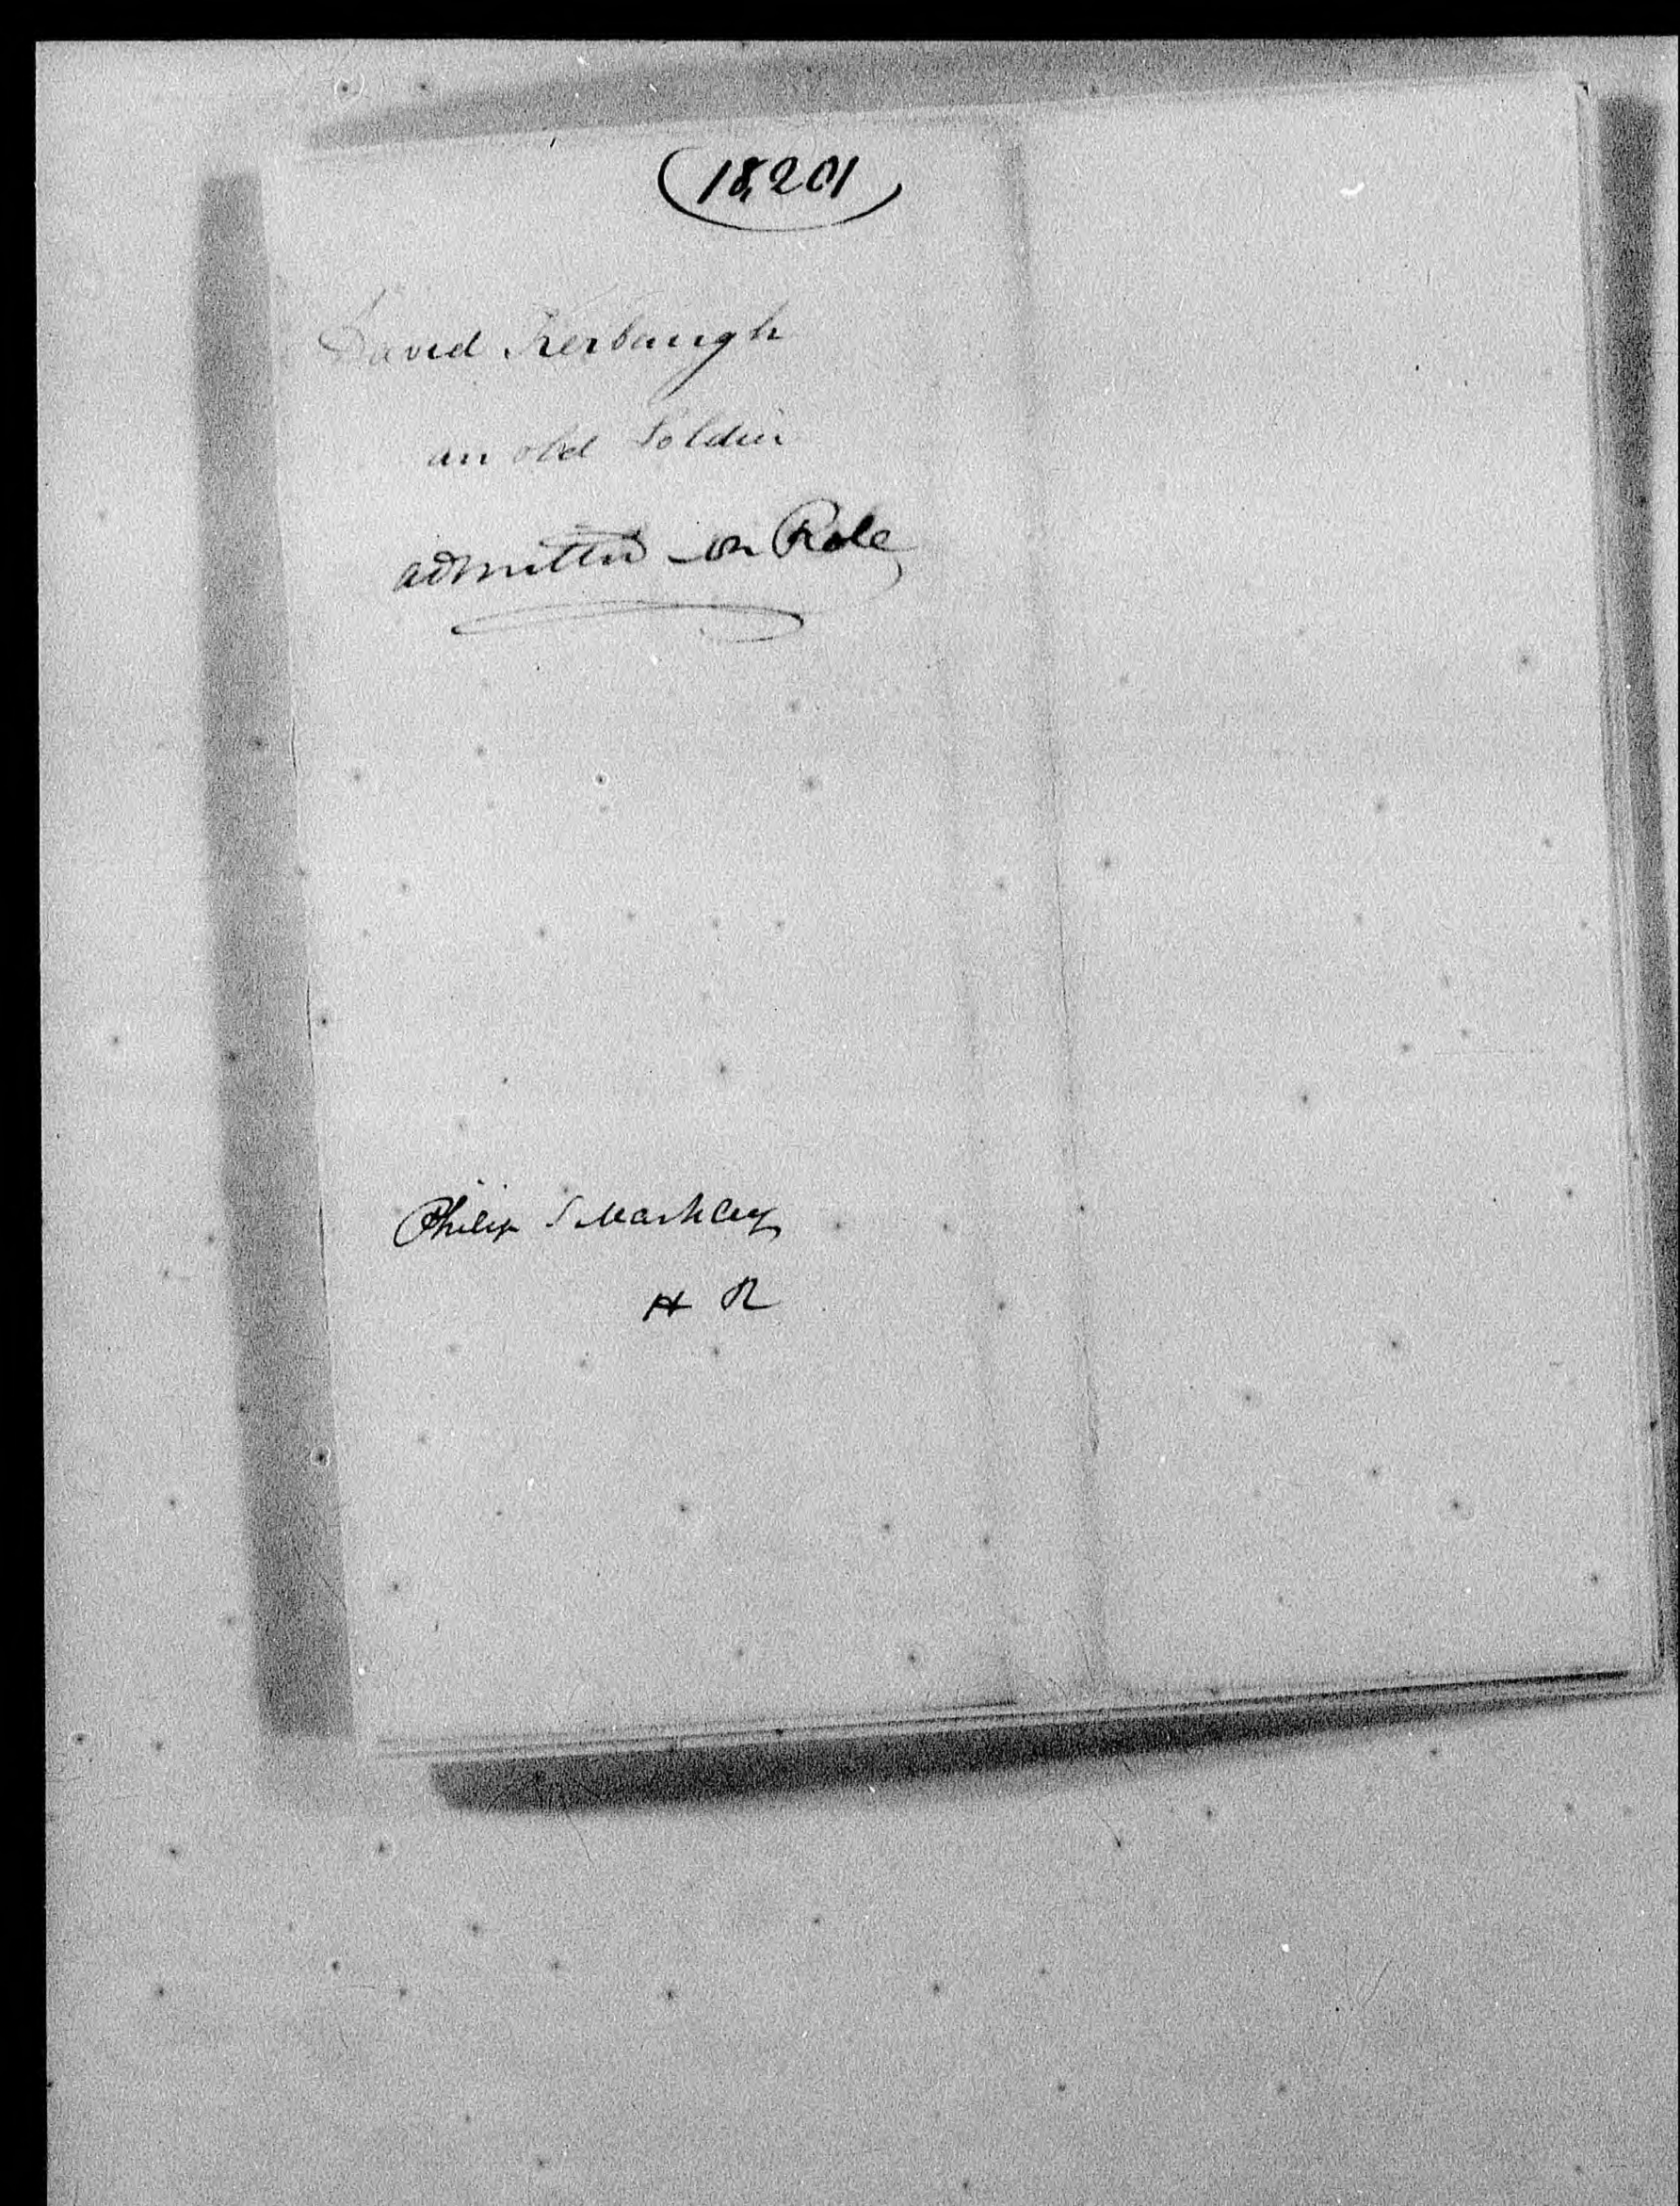18,201
David Kerbaugh
an old soldier
admitted on roll.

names: David Kerbaugh; Philip S Markley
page: 3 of 13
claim: survivor's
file: S. 39,800, for David Kerbaugh, Pennsylvania